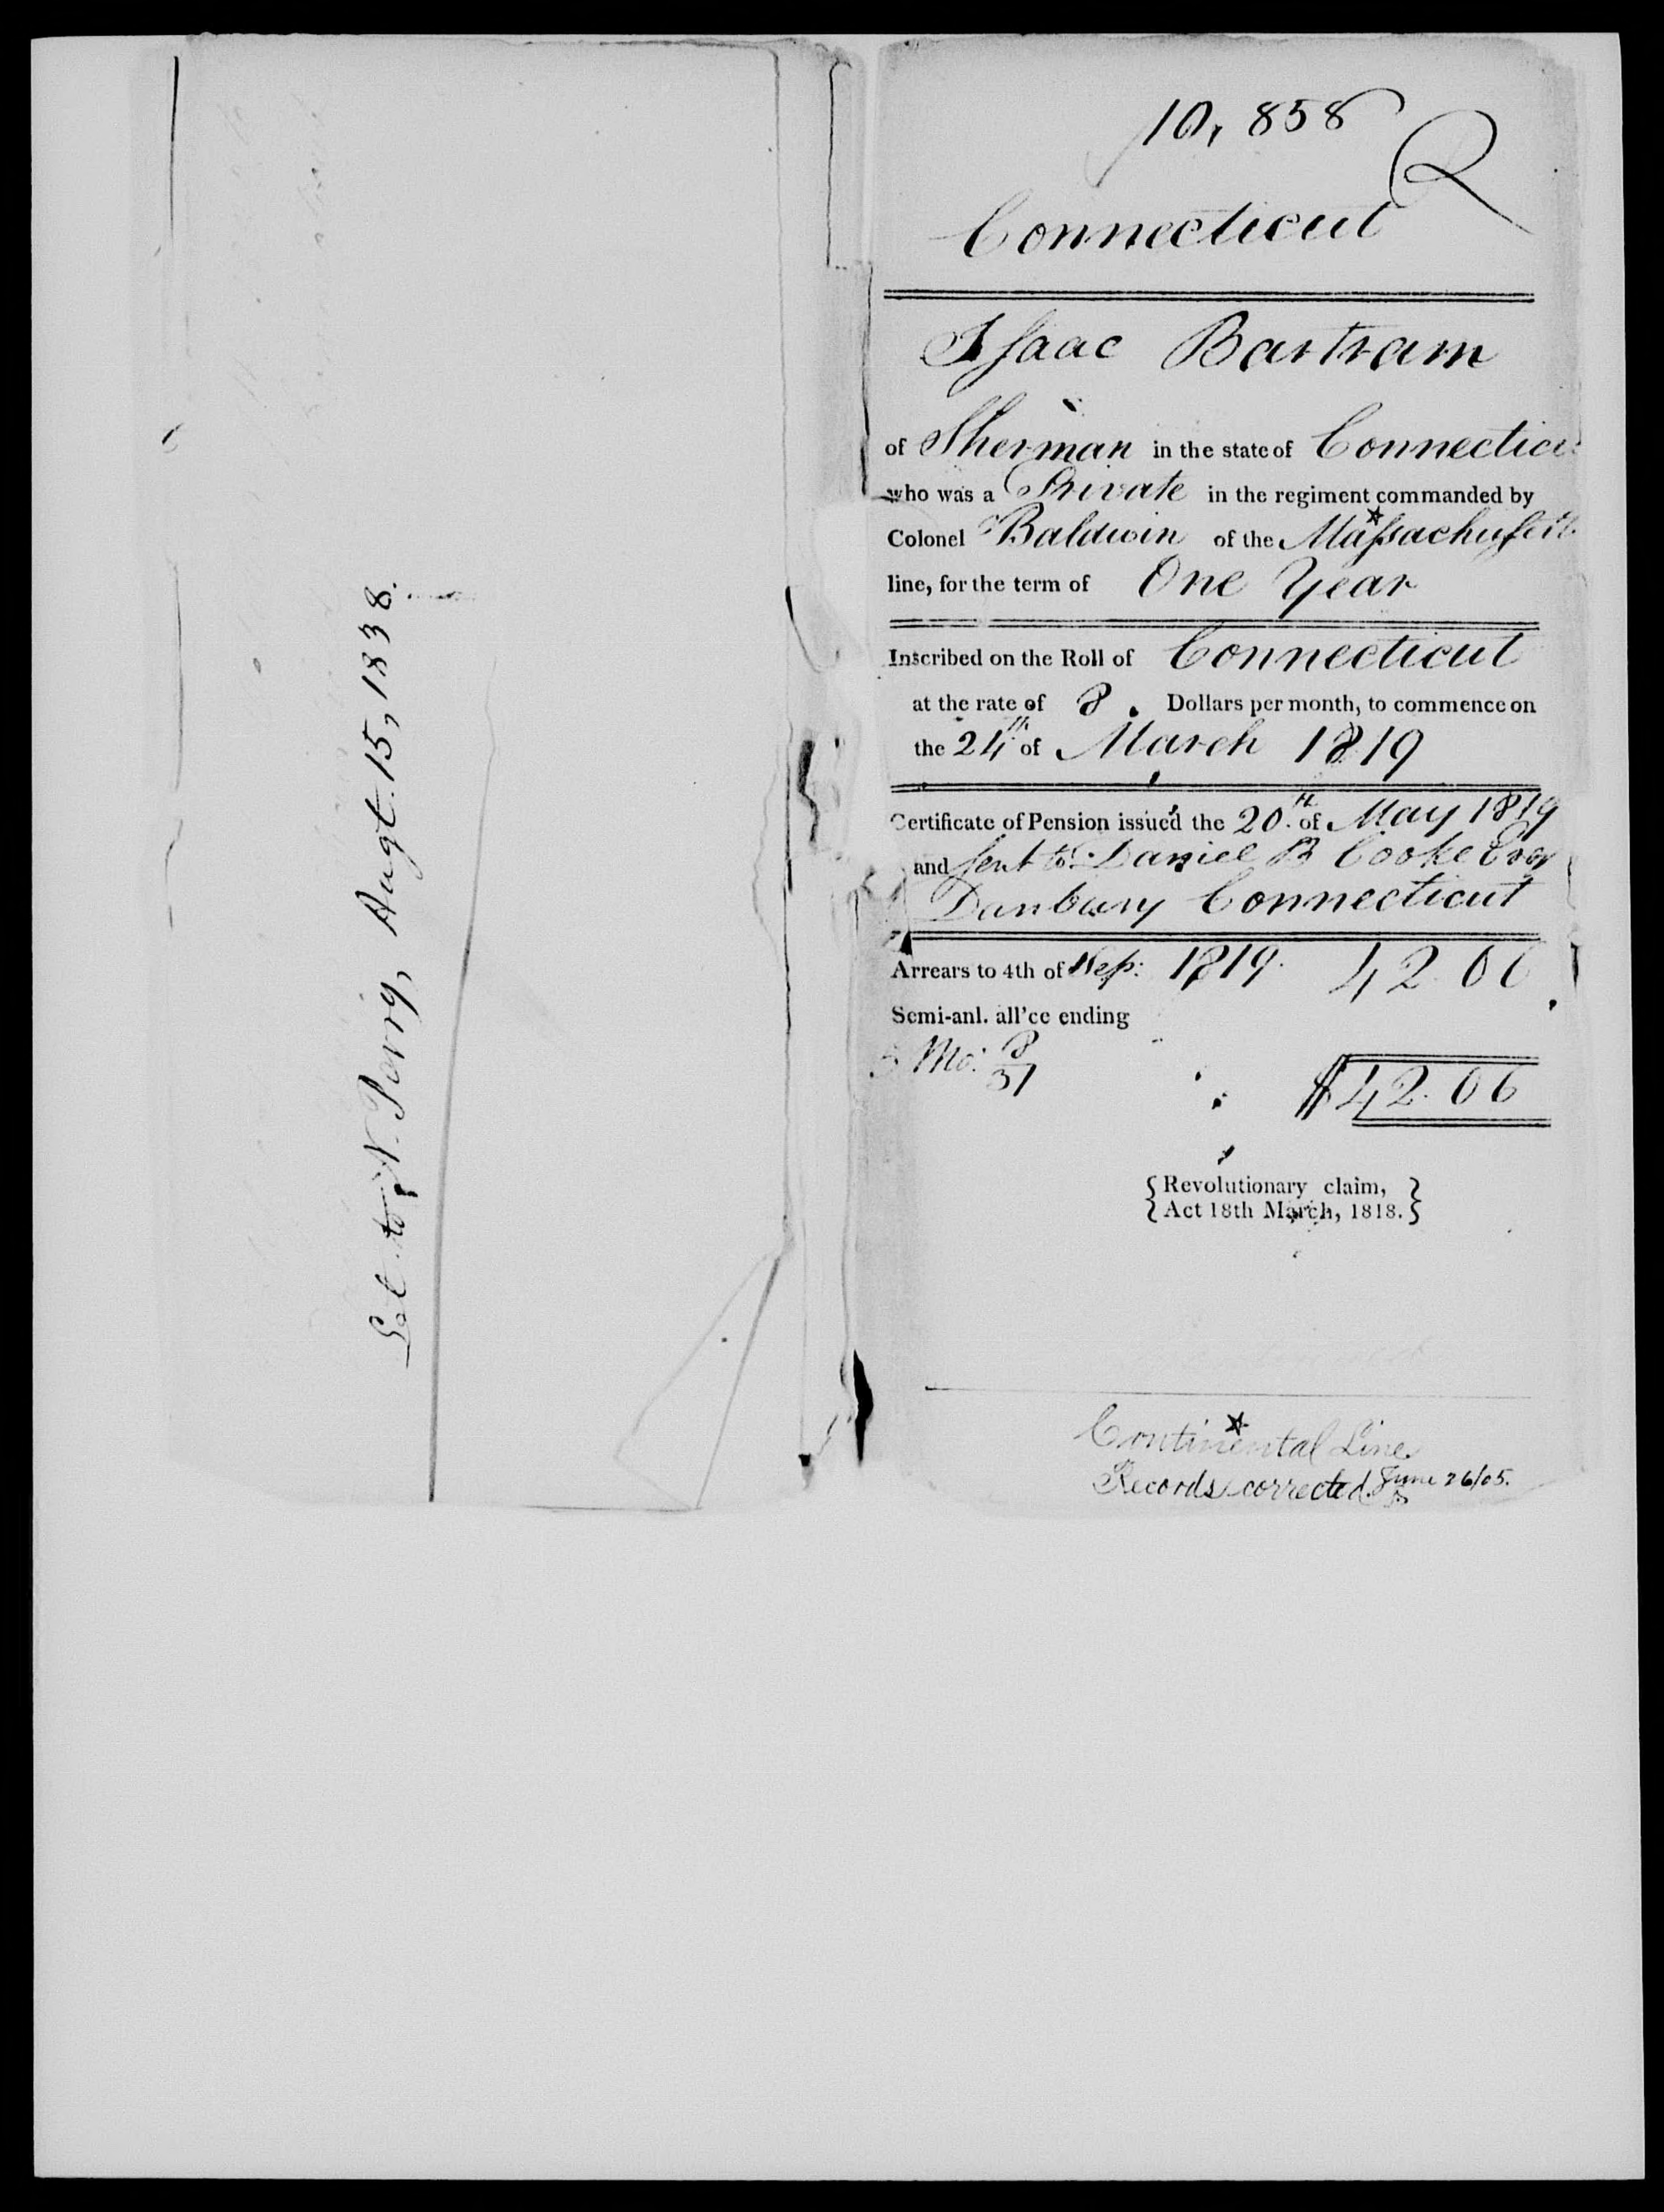Set to N Perry Augt 15, 1838


10, 858
Connecticut
Isaac Bartram
of Sherman in the state of Connecticut
who was a Private in the regiment commanded by
Colonel Baldwin of the *  Massachusetts
line, for the term of One year

Inscribed on the Roll of Connecticut
at the rate of 8 Dollars per month, to commence on
the 24th of March 1819

Certificate of Pension issued the 20th of May 1819
and sent to Daniel B Cooke Esq
Danbury Connecticut

Arrears to 4th of Sep. 1819       42.06
Semi-anl, all'ce ending
5 mo  8/31.

                                                  $42.06

Revolutionary claim,
Act 18th March, 1818.

*  Continental Line
Records corrected June 26/05.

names: N Perry, Daniel B Cooke, Isaac Bartram, Baldwin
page: 19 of 39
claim: survivor's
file: S. 12110, Isaac Bartram, Continental (Conn)